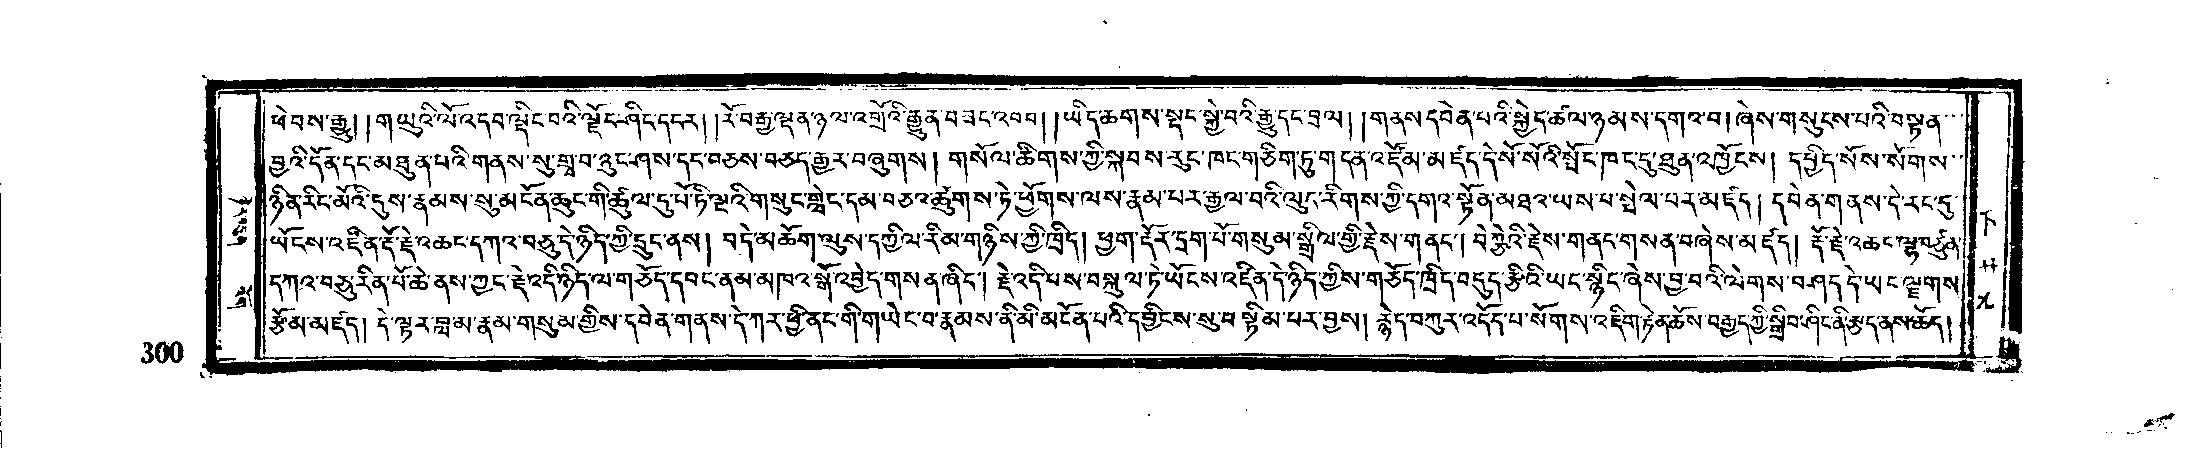ཕེབས་རྒྱུ། །གཡུའི་ལོ་འདབ་ལྡིང་བའི་ལྗོང་ཤིང་དངར། །རོ་བརྒྱ་ལྡན་ཉལ་འགྲོའི་རྒྱུན་བཟང་འབབ། །ཡིད་ཆགས་སྡང་སྐྱེ་བའི་རྒྱུ་དང་བྲལ། །གནས་དབེན་པའི་སྐྱེད་ཚལ་ཉམས་དགའ་བ། ཞེས་གསུངས་པའི་བསྟན་
བྱའི་དོན་དང་མཐུན་པའི་གནས་སུ་གྲྭ་བ་ཉུང་ཤས་དང་བཅས་བཅད་རྒྱར་བཞུགས། གསོལ་ཚིགས་ཀྱི་སྐབས་རུང་ཁང་གཅིག་ཏུ་གདན་འཛོམ་མཛད་དེ་སོ་སོའི་སྤོང་ཁང་དུ་ཐུན་འཁྱོངས། དཔྱིད་སོས་སོགས་
ཉིན་རིང་མོའི་དུས་རྣམས་སུ་མངོན་ཆུང་གི་ཚུལ་དུ་པོ་ཏི་ལྔའི་གསུང་གླེང་དམ་བཅའ་ཚུགས་ཏེ་ཕྱོགས་ལས་རྣམ་པར་རྒྱལ་བའི་ལུང་རིགས་ཀྱི་དགའ་སྟོན་མཐའ་ཡས་པ་སྤེལ་པར་མཛད། དབེན་གནས་དེ་རང་དུ་
ཡོངས་འཛིན་རྡོ་རྗེ་འཆང་དཀའ་བཅུ་དེ་ཉིད་ཀྱི་དྲུང་ནས། བདེ་མཆོག་ལུས་དཀྱིལ་རིམ་གཉིས་ཀྱི་ཁྲིད། ཕྱག་རྡོར་དྲག་པོ་གསུམ་སྒྲིལ་གྱི་རྗེས་གནང་། བེཀྩེའི་རྗེས་གནང་གསན་བཞེས་མཛད། རྡོ་རྗེ་འཆང་ལྷ་བཙུན་
དཀའ་བཅུ་རིན་པོ་ཆེ་ནས་ཀྱང་རྗེ་འདི་ཉིད་ལ་གཅོད་དབང་ནམ་མཁའ་སྒོ་འབྱེད་གསན་ཞིང་། རྗེ་འདི་པས་བསྐུལ་ཏེ་ཡོངས་འཛིན་དེ་ཉིད་ཀྱིས་གཅོད་ཁྲིད་བདུད་རྩིའི་ཡང་སྙིང་ཞེས་བྱ་བའི་ལེགས་བཤད་དེ་ཡང་ལྗགས་
རྩོམ་མཛད། དེ་ལྟར་བླ་མ་རྣམ་གསུམ་གྱིས་དབེན་གནས་དེ་ཀར་ཕྱི་ནང་གི་གཡེང་བ་རྣམས་ནི་མི་མངོན་པའི་དབྱིངས་སུ་བསྟིམ་པར་བྱས། རྙེད་བཀུར་འདོད་པ་སོགས་འཇིག་རྟེན་ཆོས་བརྒྱད་ཀྱི་སྒྲིབ་ཤིང་ནི་རྩད་ནས་ཆོད།